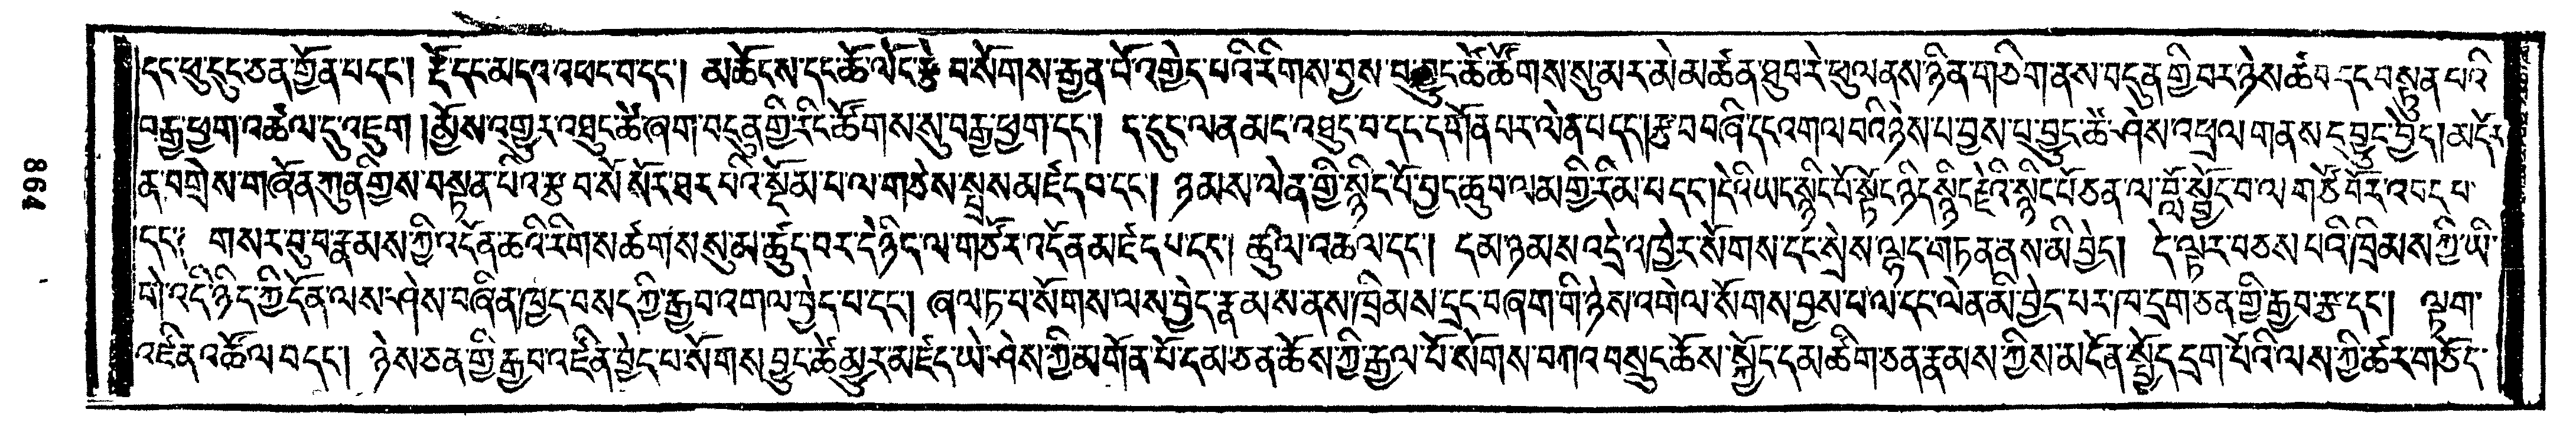དང་ཕུ་དུང་ཅན་གྱོན་པ་དང་། རྡོ་དང་མདའ་འཕང་བ་དང་། མཆོངས་དང་ཆོ་ལོང་རྩེ་བ་སོགས་རྒྱན་པ་འགྱེད་པའི་རིགས་བྱས་བ་བྱུང་ཚེ་ཚོགས་སུ་མར་མཚན་ཐུབ་རེ་ཕུལ་ནས་ཉིན་གཅིག་ནས་བདུན་གྱི་བར་ཉེས་ཚབ་དང་བསྟུན་པའི་
བརྒྱ་ཕྱག་འཚལ་དུ་འཇུག །མྱོས་འགྱུར་འཐུང་ཚེ་ཞག་བདུན་གྱི་རིང་ཚོགས་སུ་བརྒྱ་ཕྱག་དང་། ད་དུང་ལན་མང་འཐུང་བ་དང་དགོན་པར་ལེན་པ་དང་། རྩ་བ་བཞི་དང་འགལ་བའི་ཉེས་པ་བྱས་པ་བྱུང་ཚེ་ཤེས་འཕྲལ་གནས་དབྱུང་བྱེད། མདོར་
ན་བགྲེས་གཞོན་ཀུན་གྱིས་བསྟན་པའི་རྩ་བ་སོ་སོར་ཐར་བའི་སྡོམ་པ་ལ་གཅེས་སྦྲས་མཛད་བ་དང་། ཉམས་ལེན་གྱི་སྙིང་པོ་བྱང་ཆུབ་ལམ་གྱི་རིམ་པ་དང་། དེའི་ཡང་སྙིང་པོ་སྟོང་ཉིད་སྙིང་རྗེའི་སྙིང་པོ་ཅན་ལ་བློ་སྦྱོང་བ་ལ་གཙོ་བོར་འབད་པ་
དང༑ གསར་བུ་བ་རྣམས་ཀྱི་འདོན་ཆའི་རིགས་ཚགས་སུ་མ་ཚུད་བར་དེ་ཉིད་ལ་གཙོར་འདོན་མཛད་པ་དང་། ཚུལ་འཆལ་དང་། དམ་ཉམས་འདྲེ་འཁྱེར་སོགས་དང་སྲེས་ལྷད་གཏན་ནས་མི་བྱེད། དེ་ལྟར་བཅས་པའི་ཁྲིམས་ཀྱི་ཡི་
གེ་འདི་ཉིད་ཀྱི་དོན་ལས་ཤེས་བཞིན་ཁྱད་བསད་ཀྱི་རྒྱབ་འགལ་བྱེད་པ་དང་། ཞལ་ཏ་པ་སོགས་ལས་བྱེད་རྣམས་ནས་ཁྲིམས་དྲང་བཞག་གི་ཉེས་འགེལ་སོགས་བྱས་པ་ལ་དང་ལེན་མི་བྱེད་པར་ཁ་དྲག་ཅན་གྱི་རྒྱབ་རྩ་དང་། ལྟག་
འཛིན་འཚོལ་བ་དང་། ཉེས་ཅན་གྱི་རྒྱབ་འཛིན་བྱེད་པ་སོགས་བྱུང་ཚེ་མྱུར་མཛད་ཡེ་ཤེས་ཀྱི་མགོན་པོ་དམ་ཅན་ཆོས་ཀྱི་རྒྱལ་པོ་སོགས་བཀའ་བསྲུང་ཆོས་སྐྱོང་དམ་ཚིག་ཅན་རྣམས་ཀྱིས་མངོན་སྤྱོད་དྲག་པོའི་ལས་ཀྱི་ཚར་གཅོད་